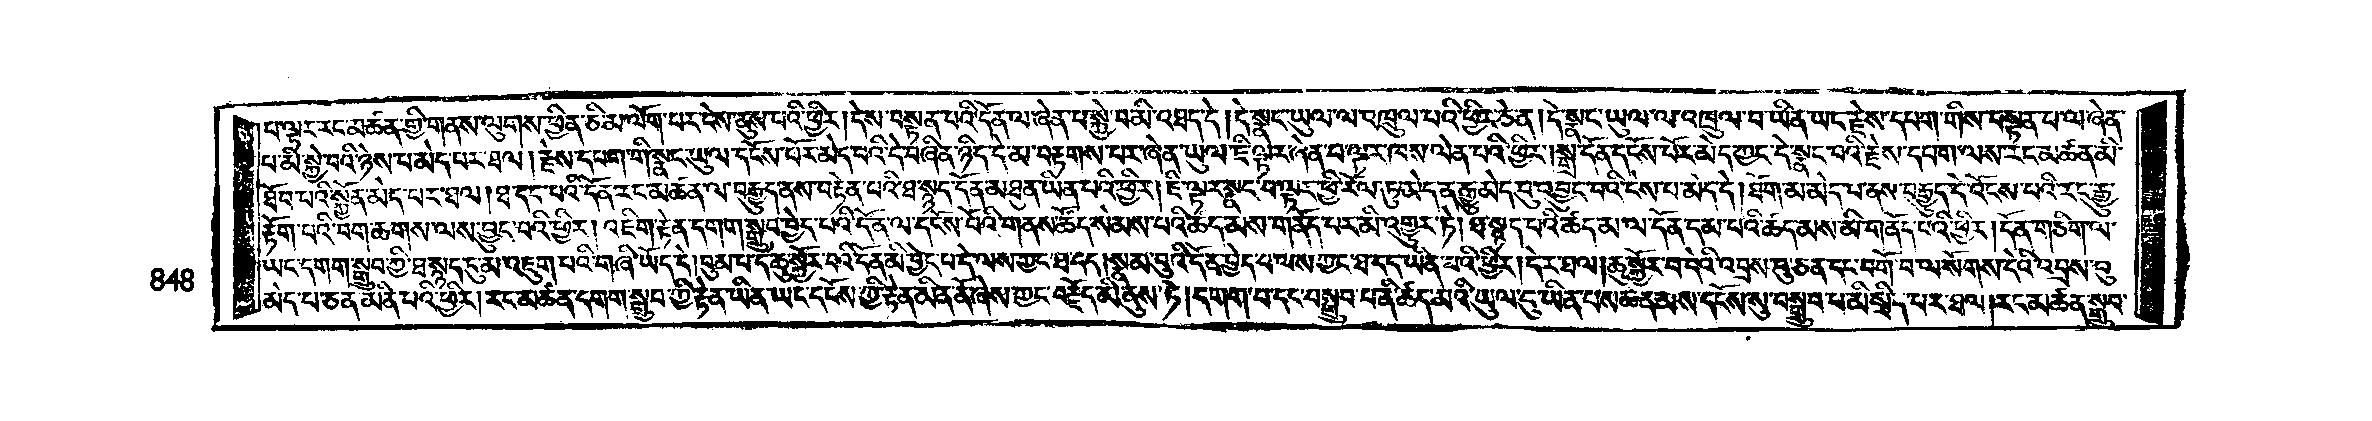པ་ལྟར་རང་མཚན་གྱི་གནས་ལུགས་ཕྱིན་ཅི་མ་ལོག་པར་ངེས་ནུས་པའི་ཕྱིར། དེས་བསྟན་པའི་དོན་ལ་ཞེན་པ་སྐྱེ་བ་མི་འཐད་དེ། དེ་སྣང་ཡུལ་ལ་འཁྲུལ་པའི་ཕྱིར་ཅེ་ན། དེ་སྣང་ཡུལ་ལ་འཁྲུལ་བ་ཡིན་ཡང་རྗེས་དཔག་གིས་བསྟན་པ་ལ་ཞེན་
པ་མི་སྐྱེ་བའི་ཉེས་པ་མེད་པར་ཐལ། རྗེས་དཔག་གི་སྣང་ཡུལ་དངོས་པོར་མེད་པའི་དེ་བཞིན་ཉིད་དེ་མ་བརྟགས་པར་ཞེན་ཡུལ་ཇི་ལྟར་ཞེན་པ་ལྟར་ཁས་ལེན་པའི་ཕྱིར། སྒྲ་དོན་དངོས་པོར་མེད་ཀྱང་དེ་སྣང་བའི་རྗེས་དཔག་ལས་རང་མཚན་མི་
ཐོབ་པའི་སྐྱོན་མེད་པར་ཐལ། ཐ་དད་པའི་དོན་རང་མཚན་ལ་བརྒྱུད་ནས་བརྟེན་པའི་ཐ་སྙད་དོན་མཐུན་ཡིན་པའི་ཕྱིར། ཇི་ལྟར་སྣང་བ་ལྟར་ཕྱི་རོལ་ཏུ་མེད་ན་རྒྱུ་མེད་བུ་འབྱུང་བའི་ངེས་པ་མེད་དེ། ཐོག་མ་མེད་པ་ནས་བརྒྱུད་དེ་འོངས་པའི་རང་རྒྱུ་
རྟོག་པའི་བག་ཆགས་ལས་བྱུང་བའི་ཕྱིར། འཇིག་རྟེན་དགག་སྒྲུབ་བྱེད་པའི་དོན་ལ་དངོས་པོའི་གནས་ཚོད་སེམས་པའི་ཚད་མས་གནོད་པར་མི་འགྱུར་ཏེ། ཐ་སྙད་པའི་ཚད་མ་ལ་དོན་དམ་པའི་ཚད་མས་མི་གནོད་པའི་ཕྱིར། དོན་གཅིག་ལ་
ཡང་དགག་སྒྲུབ་ཀྱི་ཐ་སྙད་དུ་མ་འཇུག་པའི་གཞི་ཡོད་དེ། བུམ་པ་དེ་ཆུ་སྐྱོར་བའི་དོན་མི་བྱེད་པ་དེ་ལས་ཀྱང་ཐ་དད། སྣམ་བུའི་དོན་བྱེད་པ་ལས་ཀྱང་ཐ་དད་ཡིན་པའི་ཕྱིར། དེར་ཐལ། ཆུ་སྐྱོར་བ་དེའི་འབྲས་བུ་ཅན་དང་བགོ་བ་ལ་སོགས་དེའི་འབྲས་བུ་
མེད་པ་ཅན་མིན་པའི་ཕྱིར། རང་མཚན་དགག་སྒྲུབ་ཀྱི་རྟེན་ཡིན་ཡང་དངོས་ཀྱི་རྟེན་མིན་ནོ་ཞེས་ཀྱང་བརྗོད་མི་ནུས་ཏེ། དགག་པ་དང་བསྒྲུབ་པ་ནི་ཚད་མའི་ཡུལ་དུ་ཡིན་པས་ཚན་མས་དངོས་སུ་བསྒྲུབ་པ་མི་སྲིད་པར་ཐལ། རང་མཚན་སྒྲུབ་